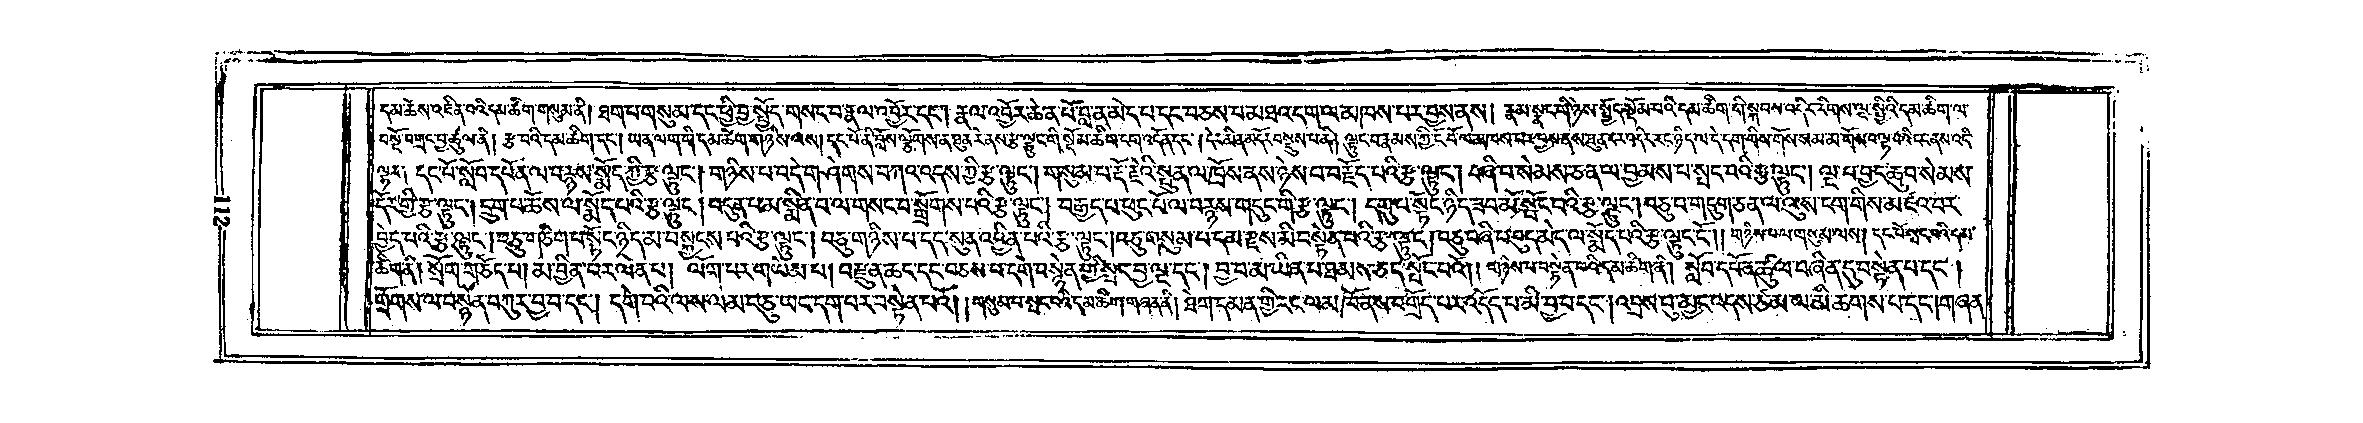དམ་ཆོས་འཛིན་པའི་དམ་ཚིག་གསུམ་ནི། ཐེག་པ་གསུམ་དང་ཕྱི་བྱ་སྤྱོད་གསང་བ་རྣལ་འབྱོར་དང་། རྣལ་འབྱོར་ཆེན་པོ་བླ་ན་མེད་པ་དང་བཅས་པ་མཐའ་དག་ལ་མཁས་པར་བྱས་ནས། རྣམ་སྣང་གི་ཉེས་སྤྱོད་སྡོམ་པའི་དམ་ཚིག་གི་སྐབས་འདིར་རིགས་ལྔ་སྤྱིའི་དམ་ཚིག་ལ་
བསྔོ་བགྲང་བྱ་ཚུལ་ནི། རྩ་བའི་དམ་ཚིག་དང་། ཡན་ལག་གི་དམ་ཚིག་གཉིས་ལས། དང་པོ་ནི་བློས་ལྕོགས་ན་ཐུན་རེ་ནས་རྩ་ལྟུང་གི་སྡོམ་ཚིག་ངག་འདོན་དང་། དེར་མིན་མདོར་བསྡུས་པ་ནི། ལྟུང་བ་རྣམས་ཀྱི་ངོ་བོ་ལ་མཁས་པར་བྱས་ནས་ཐུན་དར་འདིར་རང་ཉིད་ལ་དེ་དག་གིས་གོས་སམ་མ་གོས་བལྟ་བའི་ངང་ནས་འདི་
ལྟར། དང་པོ་སློབ་དཔོན་ལ་བརྙས་སྨོད་ཀྱི་རྩ་ལྟུང་། གཉིས་པ་བདེ་གཤེགས་བཀའ་འདས་ཀྱི་རྩ་ལྟུང་། གསུམ་པ་རྡོ་རྗེའི་སྤུན་ལ་ཁྲོས་ནས་ཉེས་པ་བརྗོད་པའི་རྩ་ལྟུང་། བཞི་པ་སེམས་ཅན་ལ་བྱམས་པ་སྤང་བའི་རྩ་ལྟུང་། ལྔ་པ་བྱང་ཆུབ་སེམས་
དོར་གྱི་རྩ་ལྟུང་། དྲུག་པ་ཆོས་ལ་སྨོད་པའི་རྩ་ལྟུང་། བདུན་པ་མ་སྨིན་པ་ལ་གསང་བ་སྒྲོགས་པའི་རྩ་ལྟུང་། བརྒྱད་པ་ཕུང་པོ་ལ་བརྙས་གདུང་གི་རྩ་ལྟུང་། དགུ་པ་སྟོང་ཉིད་ཟབ་མོ་སྤོང་བའི་རྩ་ལྟུང་། བཅུ་པ་གདུག་ཅན་ལ་ལུས་ངག་གིས་མཛའ་བར་
བྱེད་པའི་རྩ་ལྟུང་། བཅུ་གཅིག་པ་སྟོང་ཉིད་མ་བསྐྱངས་པའི་རྩ་ལྟུང་། བཅུ་གཉིས་པ་དད་སུན་འབྱིན་པའི་རྩ་ལྟུང་། བཅུ་གསུམ་པ་དམ་རྫས་མི་བསྟེན་པའི་རྩ་ལྟུང་། བཅུ་བཞི་པ་བུད་མེད་ལ་སྨོད་པའི་རྩ་ལྟུང་ངོ། །གཉིས་པ་ལ་གསུམ་ལས། དང་པོ་སྤང་བའི་དམ་
ཚིག་ནི། སྲོག་གཅོད་པ། མ་བྱིན་པར་ལེན་པ། ལོག་པར་གཡེམ་པ། བརྫུན་ཆང་དང་བཅས་པ་དགེ་བསྙེན་གྱི་སྤང་བྱ་ལྔ་དང་། བྱ་བ་མ་ཡིན་པ་ཐམས་ཅད་སྤོང་བའོ། །གཉིས་པ་བསྟེན་པའི་དམ་ཚིག་ནི། སློབ་དཔོན་ཚུལ་བཞིན་དུ་བསྟེན་པ་དང་།
གྲོགས་ལ་བསྙེན་བཀུར་བྱ་བ་དང་། དགེ་བའི་ལས་ལམ་བཅུ་ཡང་དག་པར་བསྟེན་པའོ། །གསུམ་པ་སྤང་བའི་དམ་ཚིག་གཞན་ནི། ཐེག་དམན་གྱི་རང་ལམ་ཁོ་ནས་བགྲོད་པར་འདོད་པ་མི་བྱ་བ་དང་། འབྲས་བུ་མྱང་འདས་ཙམ་ལ་མི་ཆགས་པ་དང་། གཞན་